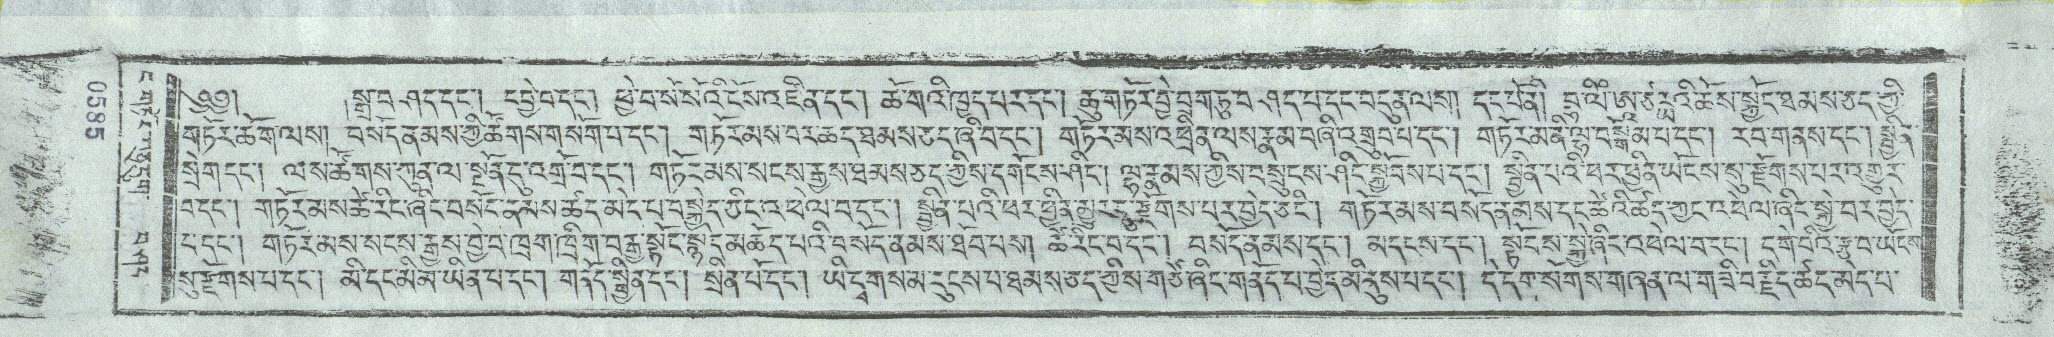༄༅། །སྒྲ་བཤད་དང་། དབྱེ་བ་དང་། ཕྱེ་བ་སོ་སོའི་ངོས་འཛིན་དང་། ཆོ་གའི་ཁྱད་པར་དང་། ཆུ་གཏོར་བྱེ་བྲག་ཏུ་བཤད་པ་དང་བདུན་ལས། དང་པོ་ནི། བྷ་ལིཾ་ཨཱ་ཙརྱའི་ཆོས་སྐྱོང་ཐམས་ཅད་ཀྱི་
གཏོར་ཆོག་ལས། བསོད་ནམས་ཀྱི་ཚོགས་གསོག་པ་དང་། གཏོར་མས་བར་ཆད་ཐམས་ཅད་ཞི་བ་དང་། གཏོར་མས་འཕྲིན་ལས་རྣམ་བཞི་འགྲུབ་པ་དང་། གཏོར་མ་ནི་ལྷ་བསྒོམ་པ་དང་། རབ་གནས་དང་། སྦྱིན་
སྲེག་དང་། ལས་ཚོགས་ཀུན་ལ་སྔོན་དུ་འགྲོ་བ་དང་། གཏོར་མས་སངས་རྒྱས་ཐམས་ཅད་ཀྱིས་དགོངས་ཤིང་། ལྷ་རྣམས་ཀྱིས་བསྲུངས་ཤིང་སྐྱོབས་པ་དང་། སྦྱིན་པའི་ཕར་ཕྱིན་ཡོངས་སུ་རྫོགས་པར་འགྱུར་
བ་དང་། གཏོར་མས་ཚེ་རིང་ཞིང་བསོད་ནམས་ཚད་མེད་པ་བསྐྱེད་ཅིང་འཕེལ་བ་དང་། སྦྱིན་པའི་ཕར་ཕྱིན་མྱུར་དུ་རྫོགས་པར་བྱེད་ཅིང་། གཏོར་མས་བསོད་ནམས་དང་ཚེའི་ཚད་ཀྱང་འཕེལ་ཞིང་སྐྱེ་བར་བྱེད་
པ་དང་། གཏོར་མས་སངས་རྒྱས་བྱེ་བ་ཁྲག་ཁྲིག་བརྒྱ་སྟོང་སྙེད་མཆོད་པའི་བསོད་ནམས་ཐོབ་པས། ཚེ་རིང་བ་དང་། བསོད་ནམས་དང་། མདངས་དང་། སྟོབས་སྐྱེ་ཞིང་འཕེལ་བ་དང་། དགེ་བའི་རྩ་བ་ཡོངས་
སུ་རྫོགས་པ་དང་། མི་དང་མི་མ་ཡིན་པ་དང་། གནོད་སྦྱིན་དང་། སྲིན་པོ་དང་། ཡི་དྭགས་མ་རུངས་པ་ཐམས་ཅད་ཀྱིས་གཙེ་ཞིང་གནོད་པ་བྱེད་མི་ནུས་པ་དང་། དེ་དག་སོགས་གཞན་ལ་གཟི་བརྗིད་ཚད་མེད་པ་